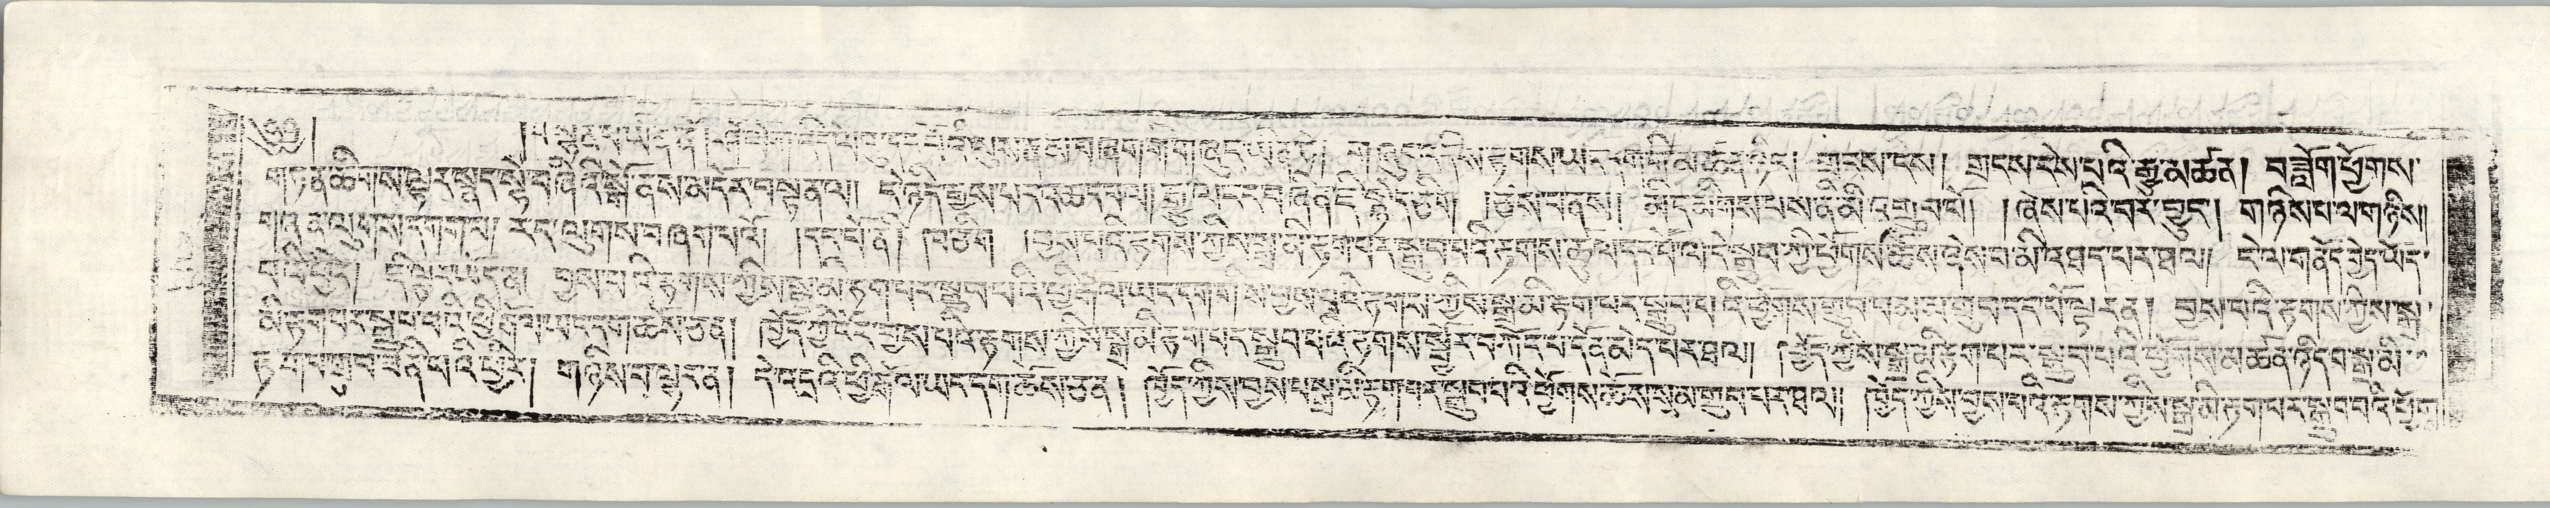༄༅། །བསྟན་པ་ཡིན་ནོ། །ཤོ་ལོ་ཀ་འདི་ལེའུ་དང་པོའི་ལུས་རྣམ་བཞག་གི་གཞུང་ཡིན་ཏེ། གཞུང་འདིས་རྟགས་ཡང་དག་གི་མཚན་ཉིད། གྲངས་ངེས། གྲངས་ངེས་པའི་རྒྱུ་མཚན། བཟློག་ཕྱོགས་
གཏན་ཚིགས་ལྟར་སྣང་སྟེ་བཞིའི་སྒོ་ནས་མདོར་བསྟན་ལ། དེ་ཉིད་རྒྱས་པར་འཆད་པ་ལ། རྒྱུ་ལ་རང་བཞིན་ཇི་སྙེད་ཅིག །ཅེས་པ་ནས། མི་དམིགས་པས་ནི་མི་འགྲུབ་བོ། །ཞེས་པའི་བར་བྱུང་། གཉིས་པ་ལ་གཉིས།
གཞན་ལུགས་དགག་པ། རང་ལུགས་བཞག་པའོ། །དང་པོ་ནི། ཁ་ཅིག །བྱས་པའི་རྟགས་ཀྱིས་སྒྲ་མི་རྟགས་པར་སྒྲུབ་པའི་རྟགས་ཚུལ་དང་པོ་ལ་དེ་སྒྲུབ་ཀྱི་ཕྱོགས་ཆོས་ཞེས་པ་མི་འཐད་པར་ཐལ། དེ་ལ་གནོད་བྱེད་ཡོད་
པའི་ཕྱིར། ཇི་ལྟར་ཡོད་ན། བྱས་པའི་རྟགས་ཀྱིས་སྒྲ་མི་རྟག་པར་སྒྲུབ་པའི་ཕྱི་རྒོལ་ཡང་དག་གིས་བྱས་པའི་རྟགས་ཀྱིས་སྒྲ་མི་རྟག་པར་སྒྲུབ་པའི་ཕྱོགས་གྲུབ་བམ་མ་གྲུབ་དང་པོ་ལྟར་ན། བྱས་པའི་རྟགས་ཀྱིས་སྒྲ་
མི་རྟག་པར་སྒྲུབ་པའི་ཕྱི་རྒོལ་ཡང་དག་ཆོས་ཅན། ཁྱོད་ཀྱི་ངོར་བྱས་པའི་རྟགས་ཀྱིས་སྒྲ་མི་རྟག་པར་སྒྲུབ་པའི་རྟགས་སྦྱོར་བཀོད་པ་དོན་མེད་པར་ཐལ། ཁྱོད་ཀྱིས་སྒྲ་མི་རྟག་པར་སྒྲུབ་པའི་ཕྱོགས་མཚན་ཉིད་པ་སྒྲ་མི་
རྟག་པ་གྲུབ་ཟིན་པའི་ཕྱིར། གཉིས་པ་ལྟར་ན། དེ་འདྲའི་ཕྱི་རྒོལ་ཡང་དག་ཆོས་ཅན། ཁྱོད་ཀྱིས་བྱས་པ་སྒྲ་མི་རྟག་པར་སྒྲུབ་པའི་ཕྱོགས་ཆོས་སུ་མ་གྲུབ་པར་ཐལ། ཁྱོད་ཀྱིས་བྱས་པའི་རྟགས་ཀྱིས་སྒྲ་མི་རྟག་པར་སྒྲུབ་པའི་ཕྱོགས་